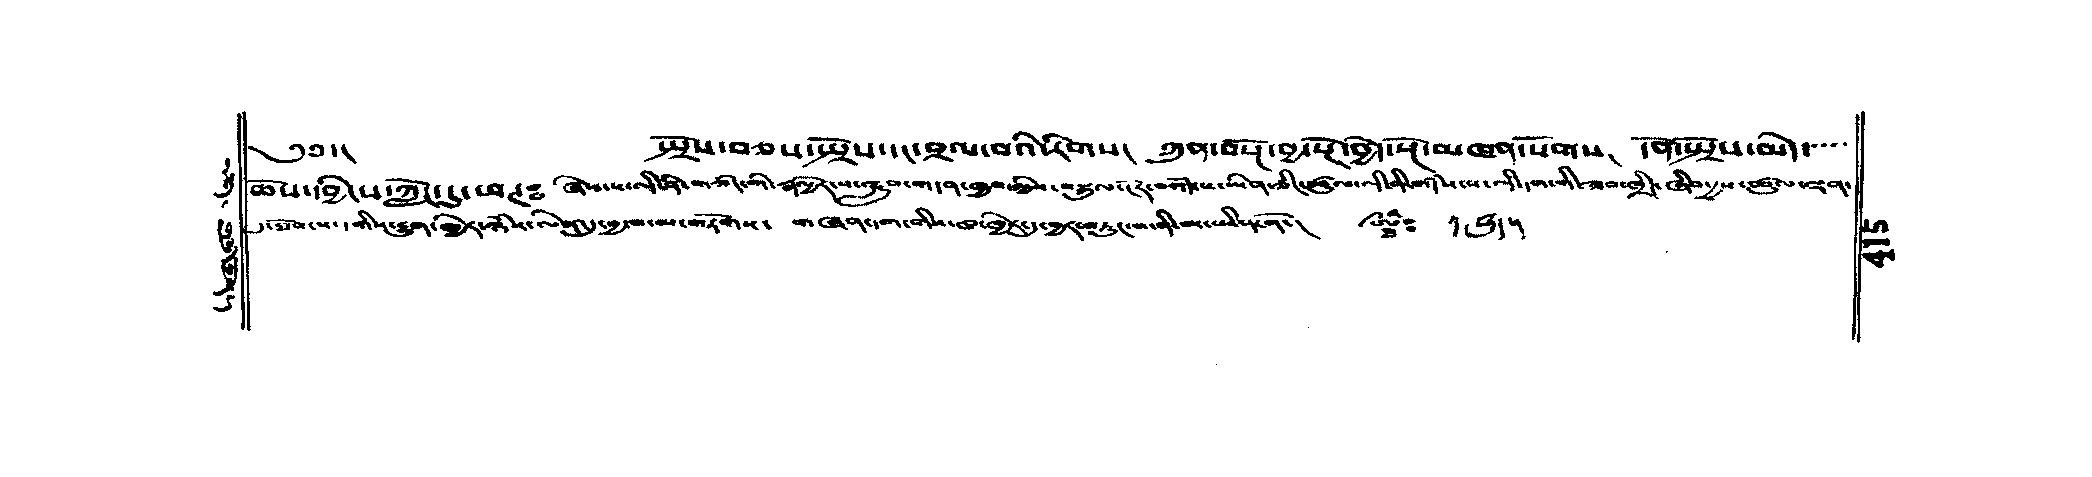སྤྲོས་བཅས་སྤྲོས་དང་བྲལ་བའི་རིགས། །ཀུན་བསྔོ་བྱ་སྔོ་བྱེད་སྔོ་མཁན་སོགས། །དོན་སྤྲོས་མེད་
ཆོས་དབྱིངས་ཀློང་དུ་ཕཊཿ ཞེས་པ་འདི་ནི་གཙང་གི་རྣལ་འབྱོར་པ་ལྷུན་གྲུབ་གདན་ཁྱབ་ཀྱིས་བསྐུལ་ངོར་འགོད་པ་ཡིན་ཅིང་ཚུལ་འདི་ནི་གདམས་པ་འདི་དག་གི་ཟབ་ཁྲིད་་ཞིབ་རྒྱས་ཚུལ་ལྡན་
དུ་ཐོབ་་པ་ལདག་གིས་་རྒྱུན་ཁྱེར་ཉམས་ལེན་དུ་བྱ་བ་མ་གཏོག་ས། གཞན་དག་གིས་ཁ་ཁྱེར་དུ་བྱར་བཏུབ་པ་ནི་མ་ཡིན་ནོ། ཨྀ་ཐི།